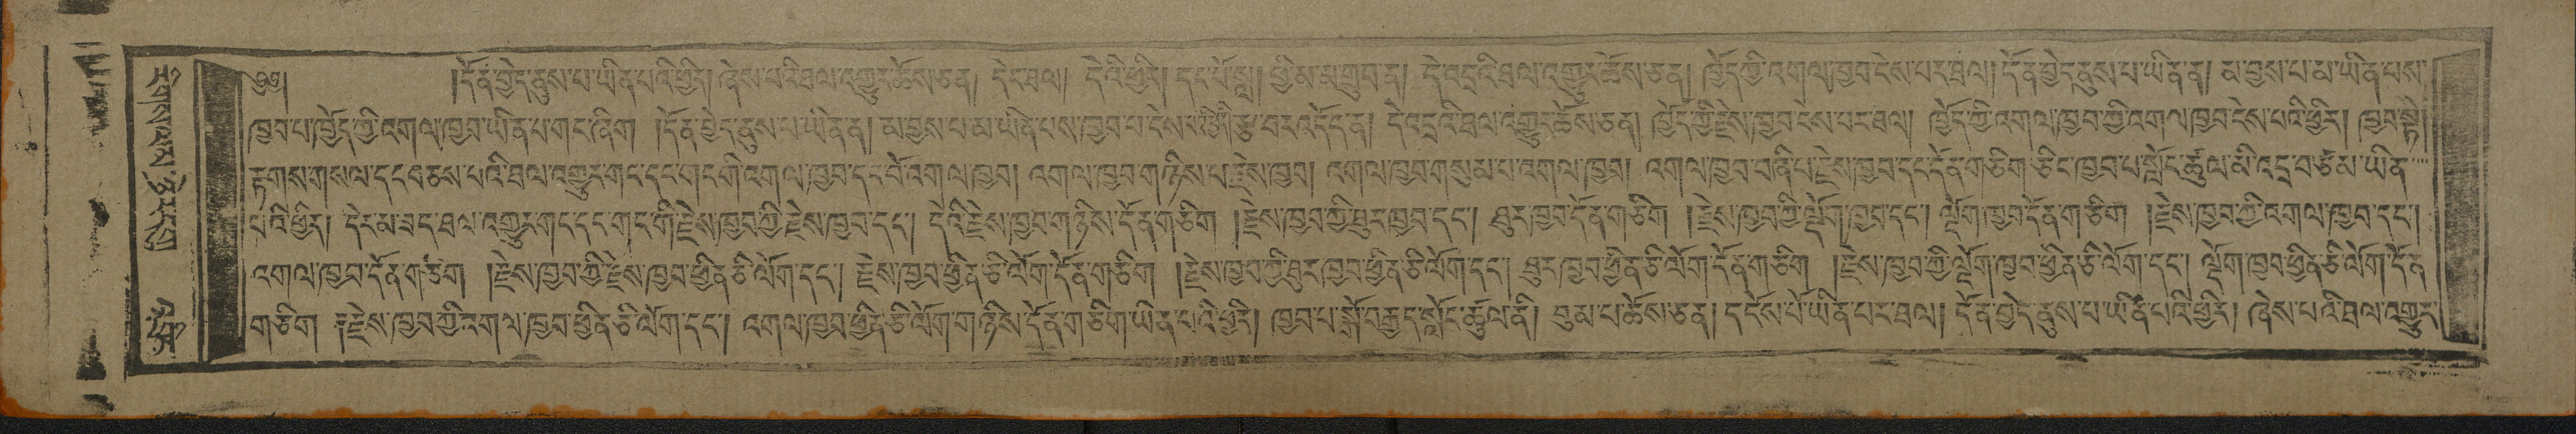༄༅། །དོན་བྱེད་ནུས་པ་ཡིན་པའི་ཕྱིར། ཞེས་པའི་ཐལ་འགྱུར་ཆོས་ཅན། དེར་ཐལ། དེའི་ཕྱིར། དང་པོ་སླ། ཕྱི་མ་མ་གྲུབ་ན། དེ་འདྲའི་ཐལ་འགྱུར་ཆོས་ཅན། ཁྱོད་ཀྱི་འགལ་ཁྱབ་ངེས་པར་ཐལ། དོན་བྱེད་ནུས་པ་ཡིན་ན། མ་བྱས་པ་མ་ཡིན་པས་
ཁྱབ་པ་ཁྱོད་ཀྱི་འགལ་ཁྱབ་ཡིན་པ་གང་ཞིག །དོན་བྱེད་ནུས་པ་ཡིན་ན། མ་བྱས་པ་མ་ཡིན་པས་ཁྱབ་པ་ངེས་པའི་ཕྱིར། རྩ་བར་འདོད་ན། དེ་འདྲའི་ཐལ་འགྱུར་ཆོས་ཅན། ཁྱོད་ཀྱི་རྗེས་ཁྱབ་ངེས་པར་ཐལ། ཁྱོད་ཀྱི་འགལ་ཁྱབ་ཀྱི་འགལ་ཁྱབ་ངེས་པའི་ཕྱིར། ཁྱབ་སྟེ།
རྟགས་གསལ་དང་བཅས་པའི་ཐལ་འགྱུར་གང་དང་གང་གི་འགལ་ཁྱབ་དང་པོ་འགལ་ཁྱབ། འགལ་ཁྱབ་གཉིས་པ་རྗེས་ཁྱབ། འགལ་ཁྱབ་གསུམ་པ་འགལ་ཁྱབ། འགལ་ཁྱབ་བཞི་པ་རྗེས་ཁྱབ་དང་དོན་གཅིག་ཅིང་ཁྱབ་པ་སློང་ཚུལ་མི་འདྲ་བ་ཙམ་ཡིན་
པའི་ཕྱིར། དེར་མ་ཟད་ཐལ་འགྱུར་གང་དང་གང་གི་རྗེས་ཁྱབ་ཀྱི་རྗེས་ཁྱབ་དང་། དེའི་རྗེས་ཁྱབ་གཉིས་དོན་གཅིག །རྗེས་ཁྱབ་ཀྱི་ཐུར་ཁྱབ་དང་། ཐུར་ཁྱབ་དོན་གཅིག །རྗེས་ཁྱབ་ཀྱི་ལྡོག་ཁྱབ་དང་། ལྡོག་ཁྱབ་དོན་གཅིག །རྗེས་ཁྱབ་ཀྱི་འགལ་ཁྱབ་དང་།
འགལ་ཁྱབ་དོན་གཅིག །རྗེས་ཁྱབ་ཀྱི་རྗེས་ཁྱབ་ཕྱིན་ཅི་ལོག་དང་། རྗེས་ཁྱབ་ཕྱིན་ཅི་ལོག་དོན་གཅིག །རྗེས་ཁྱབ་ཀྱི་ཐུར་ཁྱབ་ཕྱིན་ཅི་ལོག་དང་། ཐུར་ཁྱབ་ཕྱིན་ཅི་ལོག་དོན་གཅིག །རྗེས་ཁྱབ་ཀྱི་ལྡོག་ཁྱབ་ཕྱིན་ཅི་ལོག་དང་། ལྡོག་ཁྱབ་ཕྱིན་ཅི་ལོག་དོན་
གཅིག ༑རྗེས་ཁྱབ་ཀྱི་འགལ་ཁྱབ་ཕྱིན་ཅི་ལོག་དང་། འགལ་ཁྱབ་ཕྱིན་ཅི་ལོག་གཉིས་དོན་གཅིག་ཡིན་པའི་ཕྱིར། ཁྱབ་པ་སྒོ་བརྒྱད་སློང་ཚུལ་ནི། བུམ་པ་ཆོས་ཅན། དངོས་པོ་ཡིན་པར་ཐལ། དོན་བྱེད་ནུས་པ་ཡིན་པའི་ཕྱིར། ཞེས་པའི་ཐལ་འགྱུར་